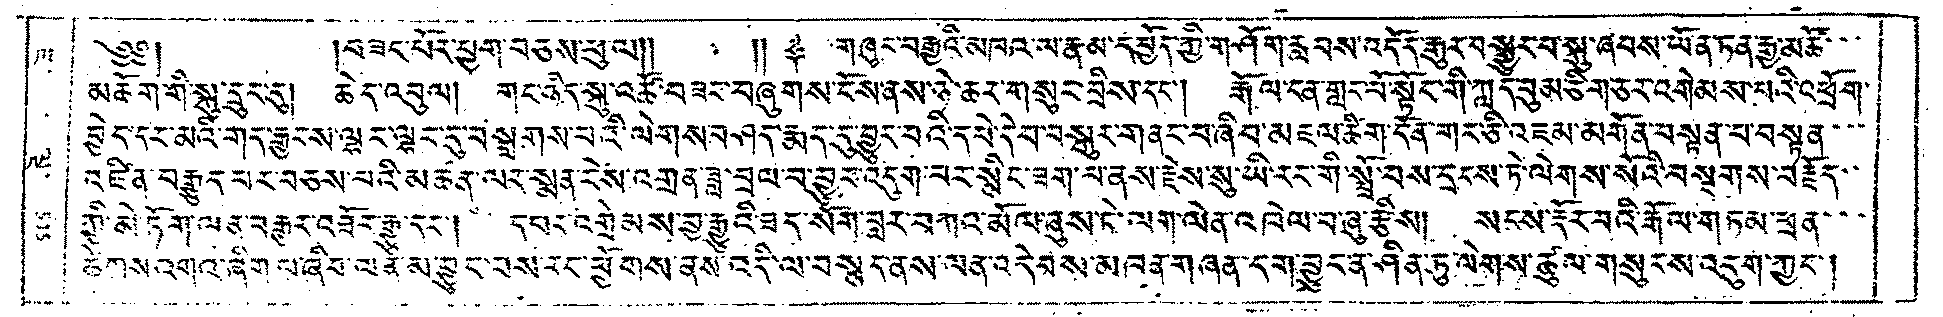༄༅། །བཟང་པོར་ཕྱག་བཅས་ཕུལ།། །། ༈ གཞུང་བརྒྱའི་མཁའ་ལ་རྣམ་དཔྱོད་ཀྱི་གཤོག་རླབས་འདོད་རྒུར་བསྒྱུར་བ་སྐུ་ཞབས་ཡོན་ཏན་རྒྱ་མཚོ་
མཆོག་གི་སྐུ་དྲུང་དུ། ཆེད་འབུལ། གང་ཉིད་སྐུ་འཚོ་བཟང་བཞུགས་ངོས་ནས་ཉེ་ཆར་གསུང་བྲིས་དང་། རྒོལ་ངན་གླང་པོ་སྟོང་གི་ཀླད་བུམ་ཅིག་ཅར་འགེམས་པའི་འཕྲོག་
བྱེད་དར་མའི་གད་རྒྱངས་ལྷང་ལྷང་དུ་བསྒྲགས་པའི་ལེགས་བཤད་རྨད་དུ་བྱུང་བའི་དཔེ་དེབ་བསྐུར་གནང་བ་ཞིབ་མཇལ་ཚིག་དོན་གང་ཅི་འཇམ་མགོན་བསྟན་པ་བསྟན་
འཛིན་བརྒྱུད་པར་བཅས་པའི་མཚན་ལར་སྨན་ངེས་འགྲན་ཟླ་བྲལ་བ་བྱུང་འདུག་པར་སྙིང་ཐག་པ་ནས་རྗེས་སུ་ཡི་རང་གི་སྤྲོ་བས་དྲངས་ཏེ་ལེགས་སོའི་བསྔགས་བརྗོད་
ཀྱི་མེ་ཏོག་ལན་བརྒྱར་འཐོར་རྒྱུ་དང་། དཔར་འགྲེམས་བྱ་རྒྱུའི་ཐད་སོག་བླར་བཀའ་མོལ་ཞུས་ཏེ་ལག་ལེན་འཁེལ་བ་ཞུ་རྩིས། སངས་རྡོར་བའི་རྒོལ་གཏམ་ཕྲན་
ཚེགས་འགའ་ཞིག་པ་ཞིབ་ལན་མ་བྱུང་བས་རང་ཕྱོགས་ནས་འདི་ལ་བསྙད་ནས་ལན་འདེབས་མཁན་གཞན་དག་བྱུང་ན་ཤིན་ཏུ་ལེགས་ཚུལ་གསུངས་འདུག་ཀྱང་།